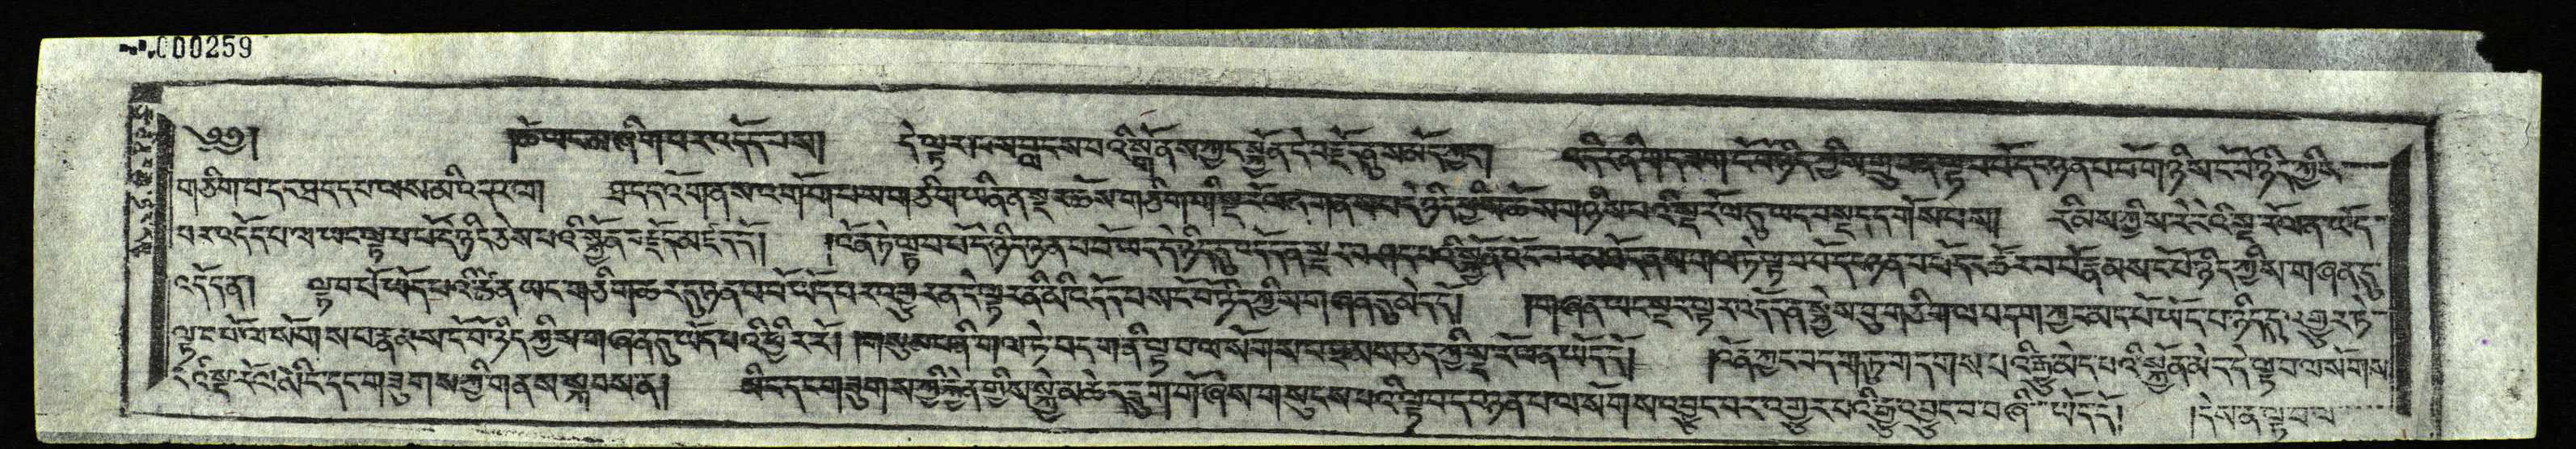༄༅། །ཚེ་ཡང་མ་ཞིག་པར་འདོད་པས། དེ་ལྟར་ཁས་བླངས་པའི་སྒོ་ནས་ཀྱང་སྐྱོན་དེ་བརྗོད་ནུས་མོད་ཀྱང་། འདིར་ནི་གང་ཟག་ངོ་བོ་ཉིད་ཀྱིས་གྲུབ་ན་ལྟ་བ་པོ་དང་ཉན་པ་པོ་གཉིས་ངོ་བོ་ཉིད་ཀྱིས་
གཅིག་པ་དང་ཐ་དད་པ་ལས་མི་འདའ་ལ། ཐ་དད་འོག་ནས་འགོག་པས་གཅིག་ཡིན་ན་སྔར་ཆོས་གཅིག་གི་སྔ་རོལ་ན་གནས་པ་དེ་ཉིད་ཕྱིས་ཆོས་གཉིས་པའི་སྔ་རོལ་དུ་ཡང་བསྡད་དགོས་པས། རིམས་ཀྱིས་རེ་རེའི་སྔ་རོལ་ན་ཡོད་
པར་འདོད་པ་ལ་ཡང་ལྟ་བ་པོ་དེ་ཉིད་ཅེས་པའི་སྐྱོན་བརྗོད་མཛད་དོ། །འོན་ཏེ་ལྟ་བ་པོ་དེ་ཉིད་ཉན་པ་པོ་ཡང་དེ་ཉིད་དུ་འདོད་ན་སྔར་བཤད་པའི་སྐྱོན་འོང་བར་མཐོང་ནས་གལ་ཏེ་ལྟ་བ་བོ་དང་ཉན་པ་པོ་དང་ཚོར་བ་པོ་རྣམས་ངོ་བོ་ཉིད་ཀྱིས་གཞན་དུ་
འདོད་ན། ལྟ་བ་པོ་ཡོད་པའི་ཚེ་ན་ཡང་གཅིག་ཆར་དུ་ཉན་པ་པོ་ཡོད་པར་འགྱུར་ན་དེ་ལྟར་ནི་མི་འདོད་པས་ངོ་བོ་ཉིད་ཀྱིས་གཞན་དུ་མེད་དོ། །གཞན་ཡང་སྔར་ལྟར་འདོད་ན་སྐྱེས་བུ་གཅིག་ལ་བདག་ཀྱང་མང་པོ་ཡོད་པ་ཉིད་དུ་འགྱུར་ཏེ་
ལྟ་བ་པོ་ལ་སོགས་པ་རྣམས་ངོ་བོ་ཉིད་ཀྱིས་གཞན་དུ་ཡོད་པའི་ཕྱིར་རོ། །གསུམ་པ་ནི་གལ་ཏེ་བདག་ནི་ལྟ་བ་ལ་སོགས་པ་ཐམས་ཅད་ཀྱི་སྔ་རོལ་ན་ཡོད་དོ། །འོན་ཀྱང་བདག་ཏུ་གདགས་པའི་རྒྱུ་མེད་པའི་སྐྱོན་མེད་དེ་ལྟ་བ་ལ་སོགས་
པའི་སྔ་རོལ་མིང་དང་གཟུགས་ཀྱི་གནས་སྐབས་ན། མིང་དང་གཟུགས་ཀྱི་རྐྱེན་གྱིས་སྐྱེ་མཆེད་དྲུག་གོ་ཞེས་གསུངས་པའི་ལྟ་བ་དང་ཉན་པ་ལ་སོགས་འབྱུང་བར་འགྱུར་བའི་རྒྱུ་འབྱུང་བ་བཞི་ཡོད་དོ། །དེས་ན་ལྟ་བ་ལ་